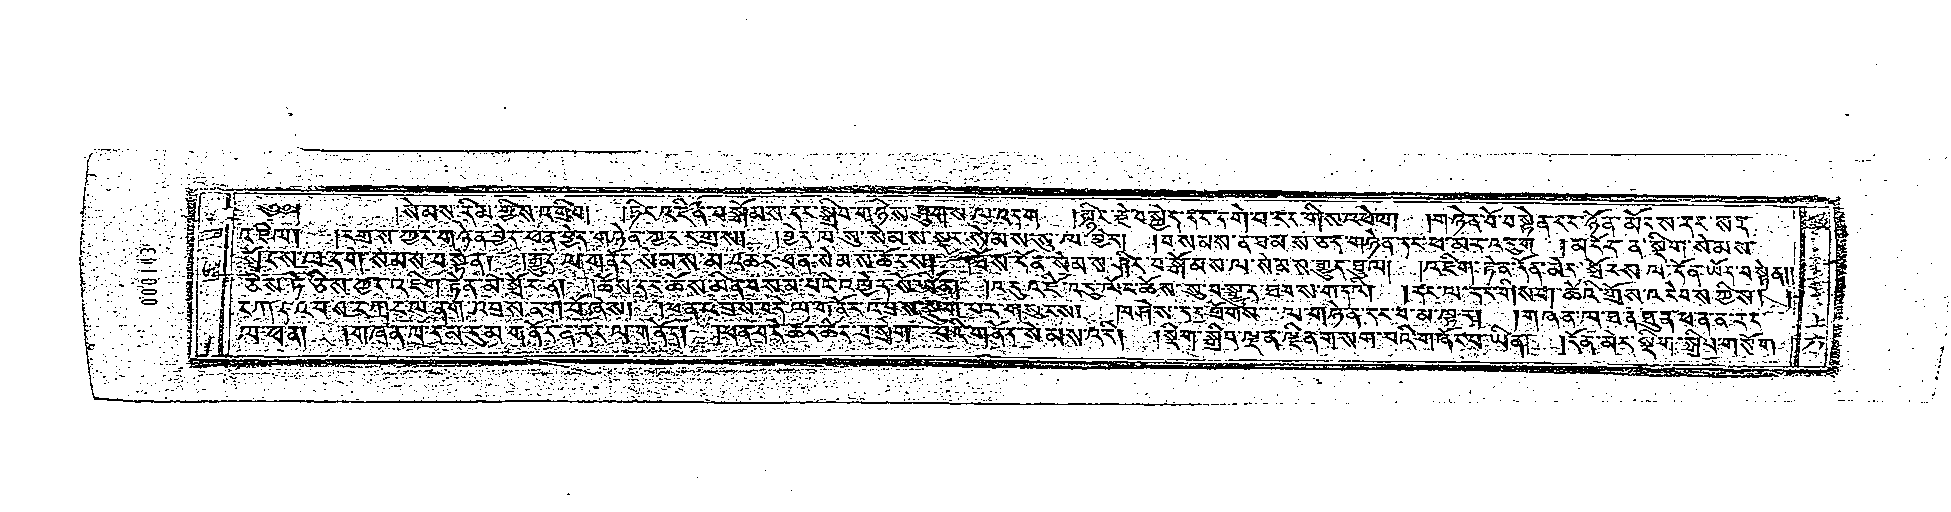༄༅། །སེམས་རིམ་གྱིས་འགྲིབ། །ཏིང་འཛིན་བསྒོམས་དང་སྒྲིབ་གཉིས་ཤུགས་ལ་འདག །སྙིང་རྗེ་བསྐྱེད་དང་དགེ་བ་རང་གིས་འཕེལ། །གཉེན་པོ་བསྟེན་དང་ཉོན་མོངས་རང་སར་
འཇིལ། །དགྲས་ཀྱང་གཉེན་བྱེད་ཕན་བྱེད་གཉེན་ཀྱང་དགྲས། །བྱེད་ལ་སུ་སེམས་སྡང་སེམས་སུ་ལ་བྱེད། །བསམས་ནས་ཐམས་ཅད་གཉེན་དང་ཕ་མར་འདུག །མདོར་ན་སྡིག་སེམས་
སྤོངས་ལ་དགེ་སེམས་བསྟེན། །རྒྱུད་ལ་གནོད་སེམས་མ་འཚང་ཕན་སེམས་ཆོངས། །ཐོས་དོན་སེམས་ཤིང་བསྒོམས་ལ་སེམས་རྒྱུད་ཐུལ། །འཇིག་རྟེན་དོན་མེད་སྤོངས་ལ་དོན་ཡོད་བསྟེན། །
ཅིས་ཏེ་ཅིས་ཀྱང་འཇིག་རྟེན་མི་སྤོང་ན། །ཆོས་དང་ཆོས་མིན་བསམ་པའི་འཁྱེར་སོ་ཡིན། །འདུ་འཛི་འདུ་ལོང་ཆོས་སུ་བ་སྒྱུང་ཐབས་གདའི། །རང་ལ་རང་གིས་ག་ཚེའི་གྲོས་འདེབས་ཀྱིས། །
དཀར་འབས་དཀང་ལ་ནག་འབྲས་ནག་བོ་ཞེས། །ཕན་འབྲས་བདེ་ལ་གནོད་འབྲས་སྡུག་པར་གསུངས། །བཤེས་དང་གྲོགས་ལ་གཉེན་དང་བ་མ་ལྟར། །གཞན་ལ་ཐན་ཐུན་ཕན་ན་རང་
ལ་ཕན། །གཞན་ལ་དམ་དུམ་གནོད་ན་རང་ལ་གནོད། །ཕན་བདེ་ཚར་ཚིང་བསྲེག་པའི་གནོད་སེམས་འདི། །སྡིག་སྒྲིབ་ལྡན་ལྗིན་གསག་པའི་གཞོར་བ་ཡིན། །དོན་མེད་སྡིག་སྒྲིབ་གསོག་